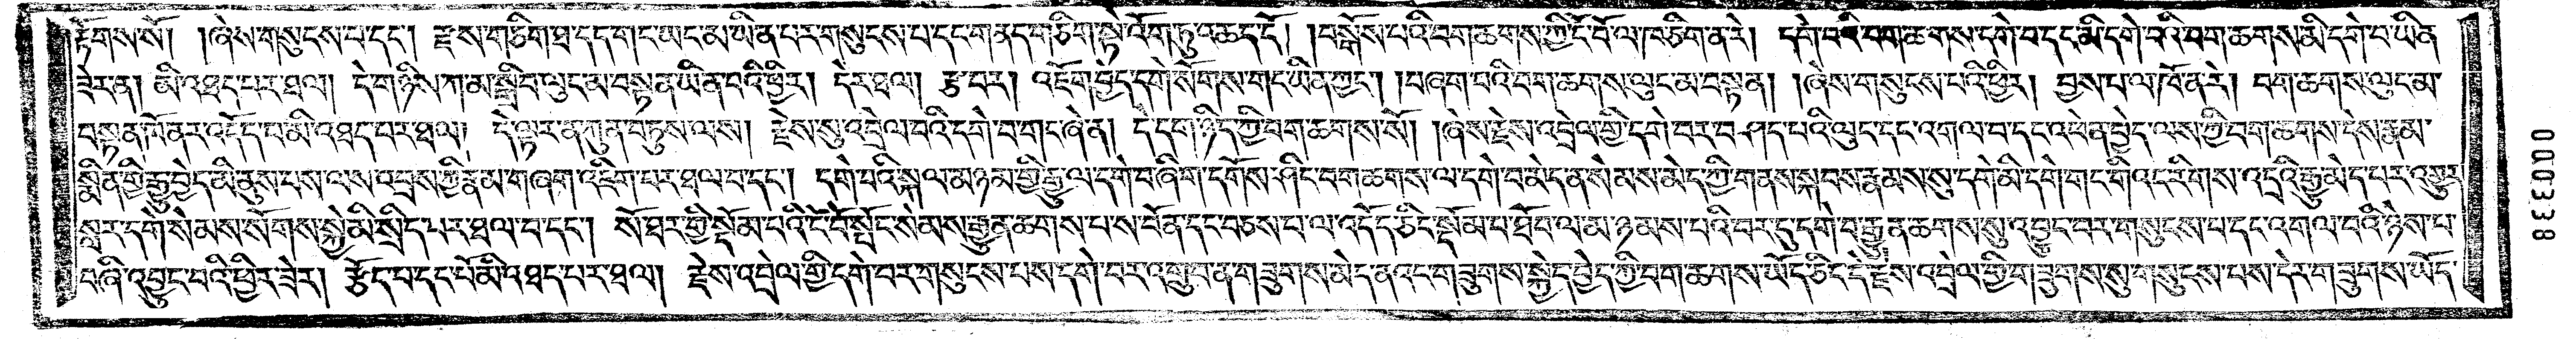རྟོགས་སོ། །ཞེས་གསུངས་བ་དང་། རྫས་གཅིག་ཐ་དད་གང་ཡང་མ་ཡིན་པར་གསུངས་པ་དང་གནད་གཅིག་སྟེ་འོག་ཏུ་འཆད་དོ། །བསྒོས་པའི་བག་ཆགས་ཀྱི་ངོ་བོ་ལ་ཁ་ཅིག་ན་རེ། དགེ་བའི་བག་ཆགས་དགེ་བ་དང་མི་དགེ་བའི་བག་ཆགས་མི་དགེ་བ་ཡིན་
ཟེར་ན། མི་འཐད་པར་ཐལ། དེ་གཉིས་ཀ་མ་སྒྲིབ་ལུང་མ་བསྟན་ཡིན་པའི་ཕྱིར། དེར་ཐལ། རྩ་བར། འཇོག་བྱེད་དགེ་སོགས་གང་ཡིན་ཀྱང་། །བཞག་པའི་བག་ཆགས་ལུང་མ་བསྟན། །ཞེས་གསུངས་པའི་ཕྱིར། བྱས་པ་ལ་ཁོ་ན་རེ། དག་ཆགས་ལུང་མ་
བསྟན་ཁོ་ནར་འདོད་པ་མི་འཐད་པར་ཐལ། དེ་ལྟར་ན་ཀུན་བཏུས་ལས། རྗེས་སུ་འབྲེལ་བའི་དགེ་བ་གང་ཞེ་ན། དེ་དག་ཉིད་ཀྱི་བག་ཆགས་སོ། །ཞེས་རྗེས་འབྲེལ་གྱི་དགེ་བར་བཤད་པའི་ལུང་དང་འགལ་བ་དང་འཕེན་བྱེད་ལས་ཀྱི་བག་ཆགས་དེས་རྣམ་
སྨིན་གྱི་རྒྱུ་བྱེད་མི་ནུས་པས་ལས་འབྲས་ཀྱི་རྣམ་གཞག་འཇིག་པར་ཐལ་བ་དང་། དགེ་བའི་སྐལ་མཉམ་གྱི་རྒྱུ་ལ་དགེ་བ་ཞིག་དགོས་ཤིང་བག་ཆགས་ལ་དགེ་བ་མེད་ན་སེམས་མེད་ཀྱི་གནས་སྐབས་རྣམས་སུ་དགེ་མི་དགེ་གང་གིའང་རིགས་འདྲའི་རྒྱུ་མེད་པར་འགྱུར་
སླར་དགེ་སེམས་སོགས་སྐྱེ་མི་སྲིད་པར་ཐལ་བ་དང་། སོ་ཐར་གྱི་སྡོམ་པའི་ངོ་བོ་སྤོང་སེམས་རྒྱུན་ཆགས་པ་ས་བོན་དང་བཅས་པ་ལ་འདོད་ཅིང་སྡོམ་པ་ཐོབ་ལ་མ་ཉམས་པའི་བར་དུ་དགེ་བ་རྒྱུན་ཆགས་སུ་འབྱུང་བར་གསུངས་པ་དང་འགལ་བའི་ཉེས་པ་
བཞི་འབྱུང་བའི་ཕྱིར་ཟེར། རྩོད་བ་དང་པོ་མི་འཐད་པར་ཐལ། རྗེས་འབྲེལ་གྱི་དགེ་བར་གསུངས་པས་དགེ་བར་འགྲུབ་ན་གཟུགས་མེད་ནའང་གཟུགས་སྐྱེད་བྱེད་ཀྱི་བག་ཆགས་ཡོད་ཅིང་དེ་རྗེས་འབྲེལ་གྱི་གཟུགས་སུ་གསུངས་པས་དེར་གཟུགས་ཡོད་